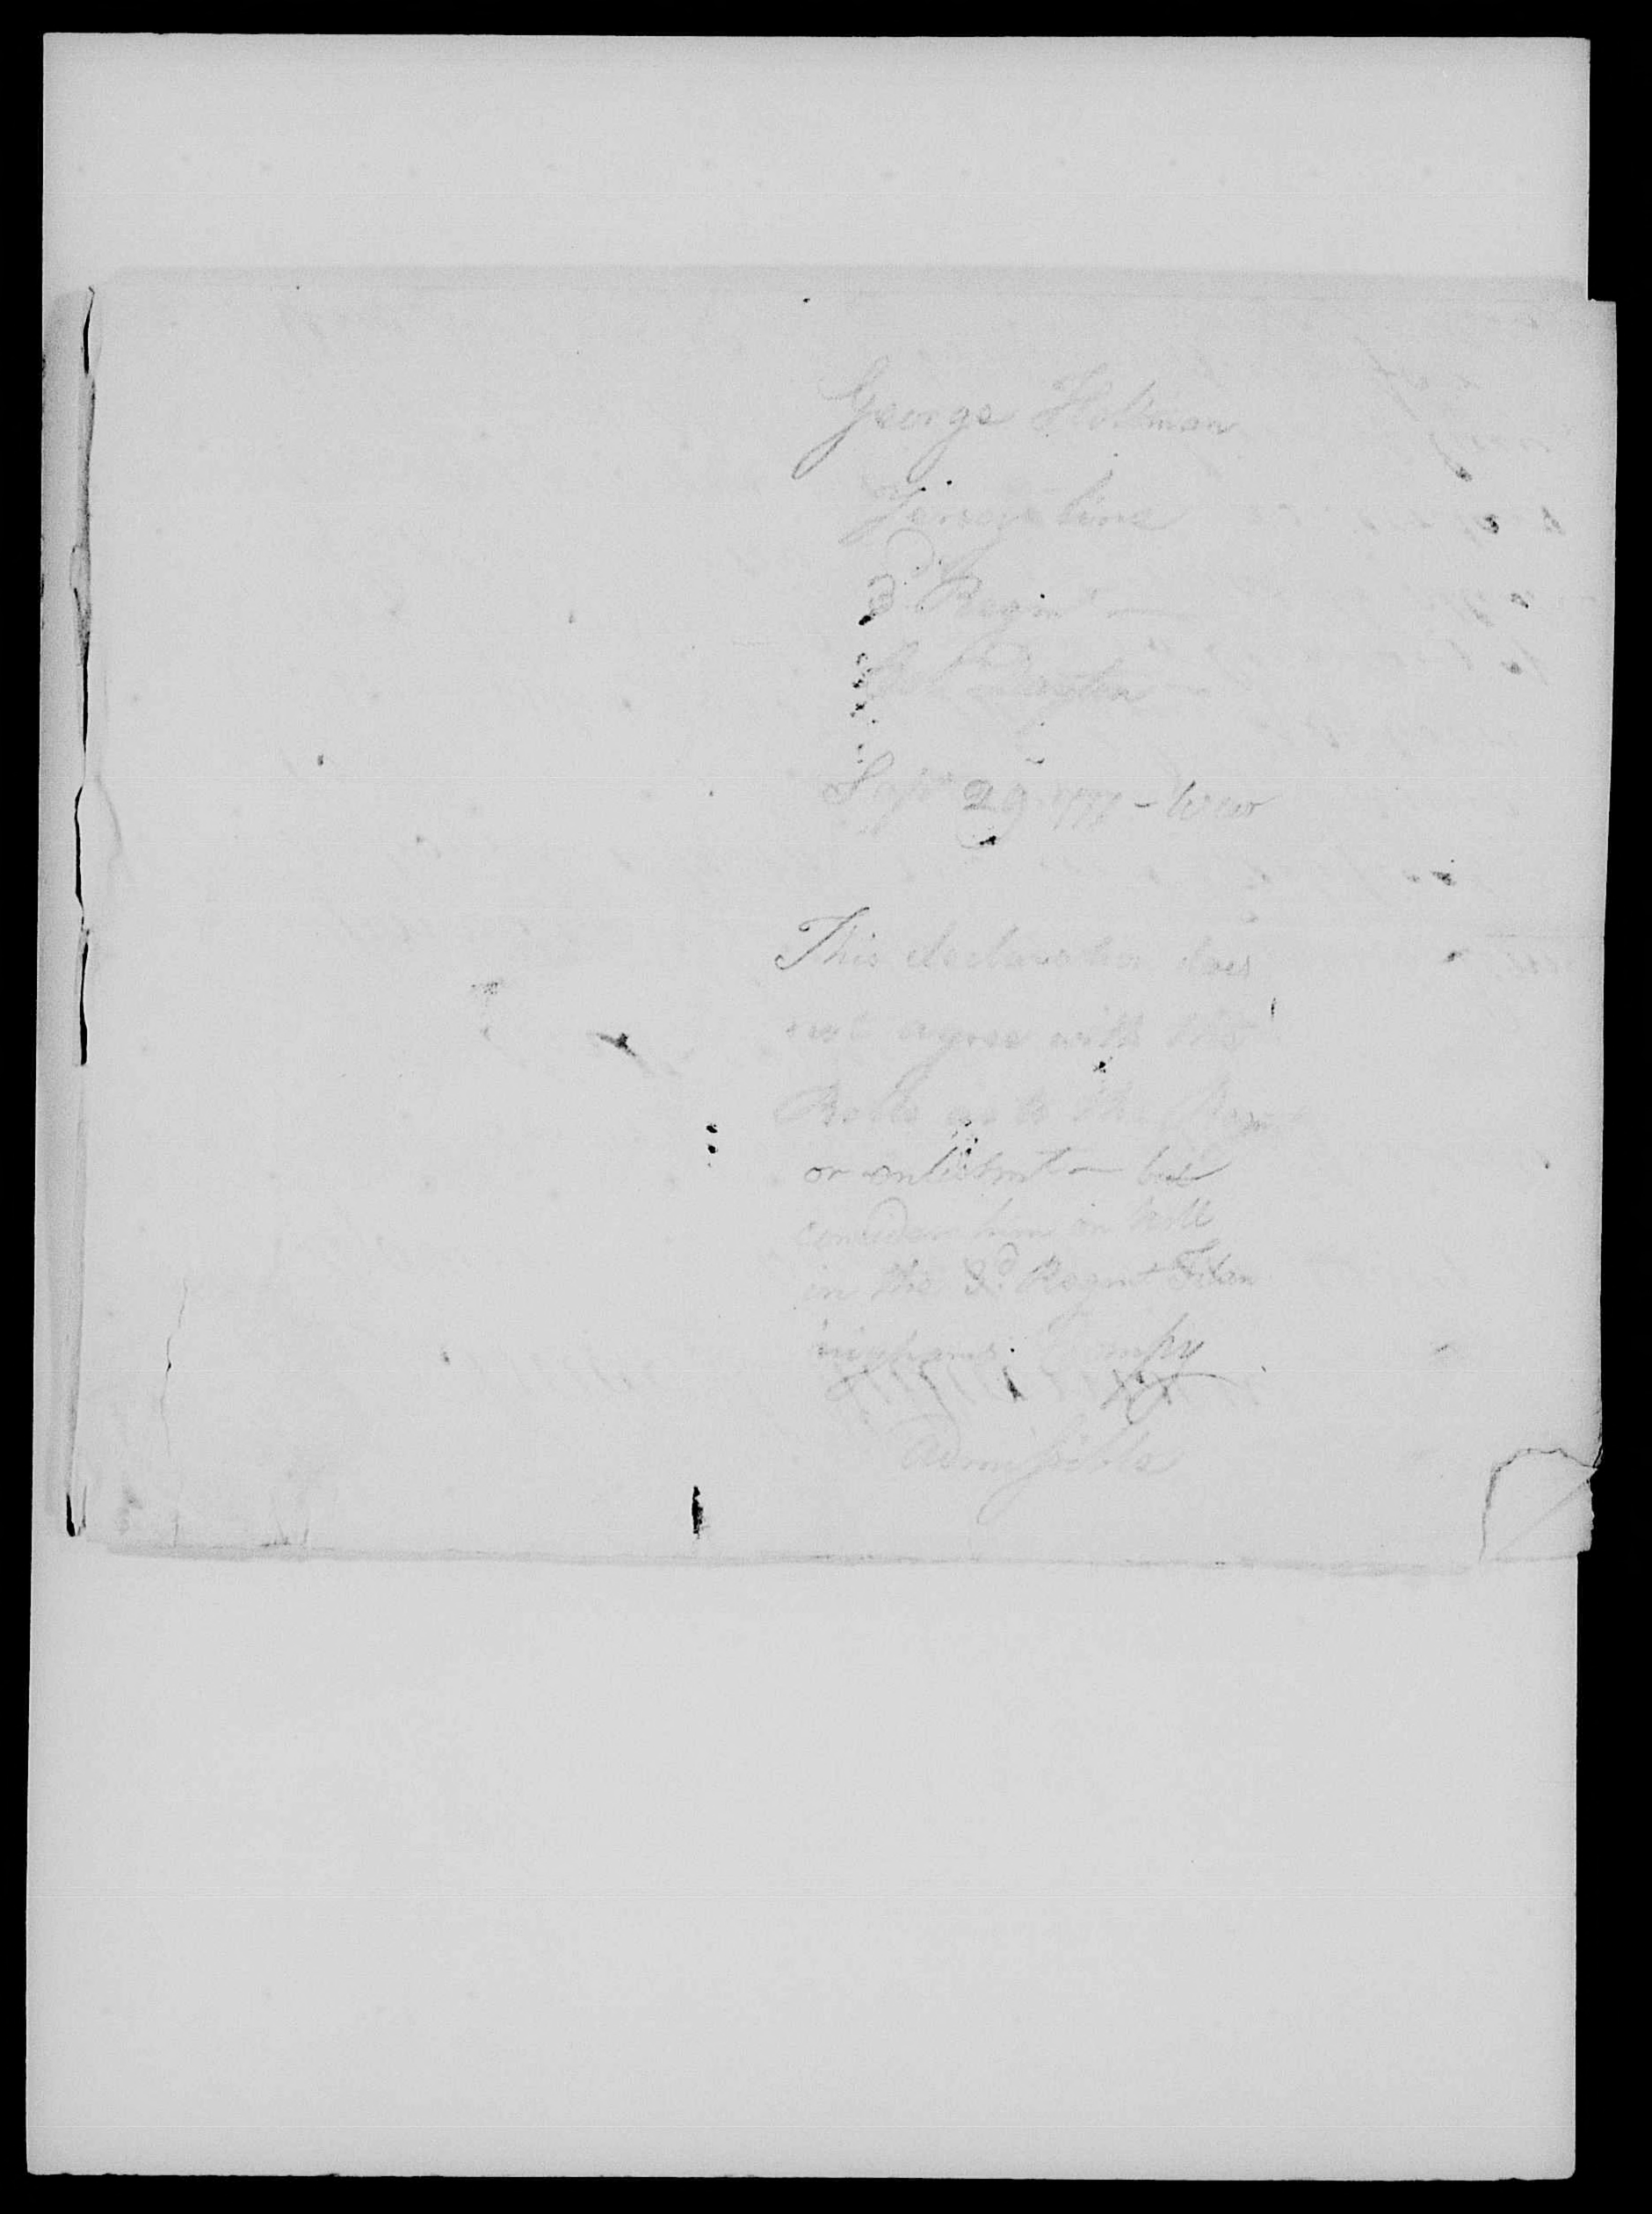George Hartman
Jersey line
3rd Regiment
[illegible]
Sept 29 1777 - [illegible]
This declaration has
not agree with the
Rolls as to the [illegible]
or enlistment but
consider him on Roll
in the 3rd Regiment [illegible]
[illegible] Company
[illegible]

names: George Hartman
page: 21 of 29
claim: widow's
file: W. 2,789, George Hartman, New Jersey